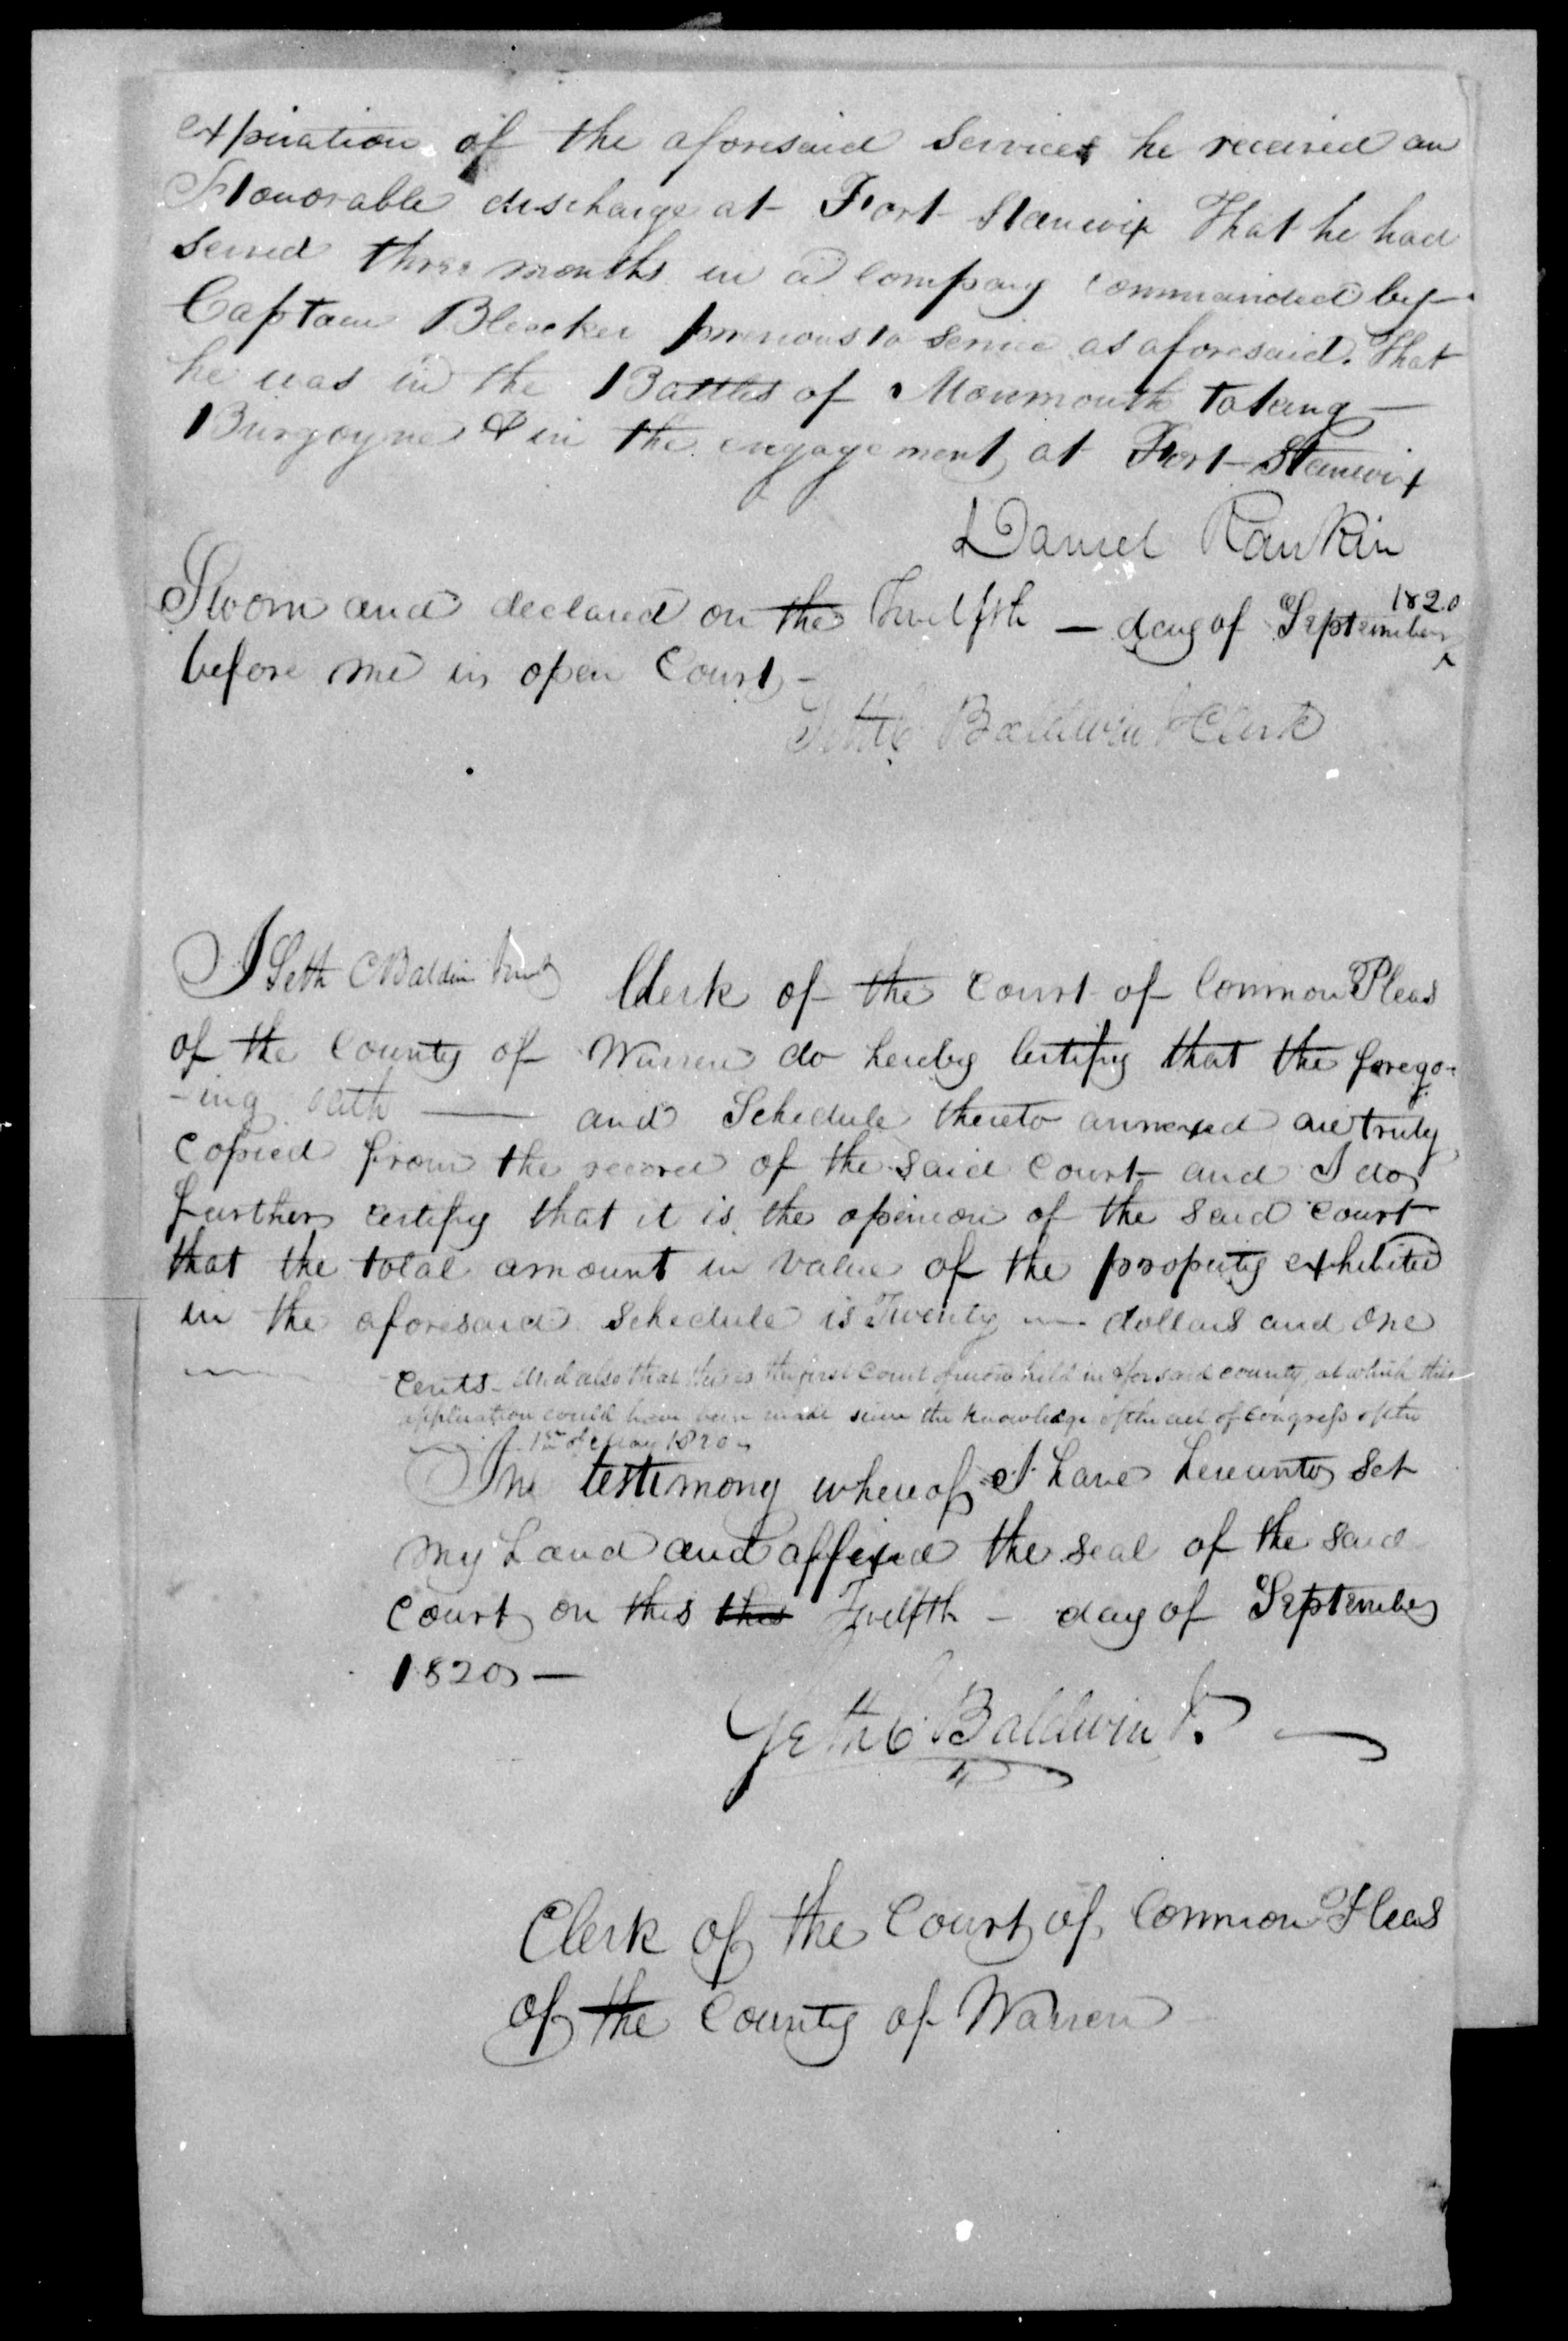expiration of the foresaid service he received an Honorable discharge at Fort Stanwix That he had served three months in sd company commanded by Captain Bleecker previous to service as aforesaid. That he was in the Battles of Monmouth taking Burgoyne & in the engagement at Fort Stanwix.
Daniel Rankin

Sworn and declared on the twelfth day of September 1820 before me in open court
Seth C. Baldwin Clerk

I Seth C Baldwin Junior Clerk of the Court of Common Pleas of the County of Warren do hereby certify that the foregoing oath - and schedule thereto annexed are truly copied from the record of the said court and I do further certify that it is the opinion of the said court that the total amount in value of the property exhibited in the aforesaid schedule is Twenty dollars and one cents. And also that this is the first court of record held in aforesaid county at which this application could have been made since the knowledge of the act of Congress of the 1st of May 1820
In testimony whereof I have hereunto set my hand and affixed the seal of the said court on this twelfth day of September 1820
Seth C. Baldwin Jr.
Clerk of the Court of Common Pleas of the County of Warren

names: Seth C Baldwin; Daniel Rankin; Seth C Baldwin; Seth C Baldwin; [BLANK] Bleecker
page: 13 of 27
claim: survivor's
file: S. 43897, for Daniel Rankin, New York